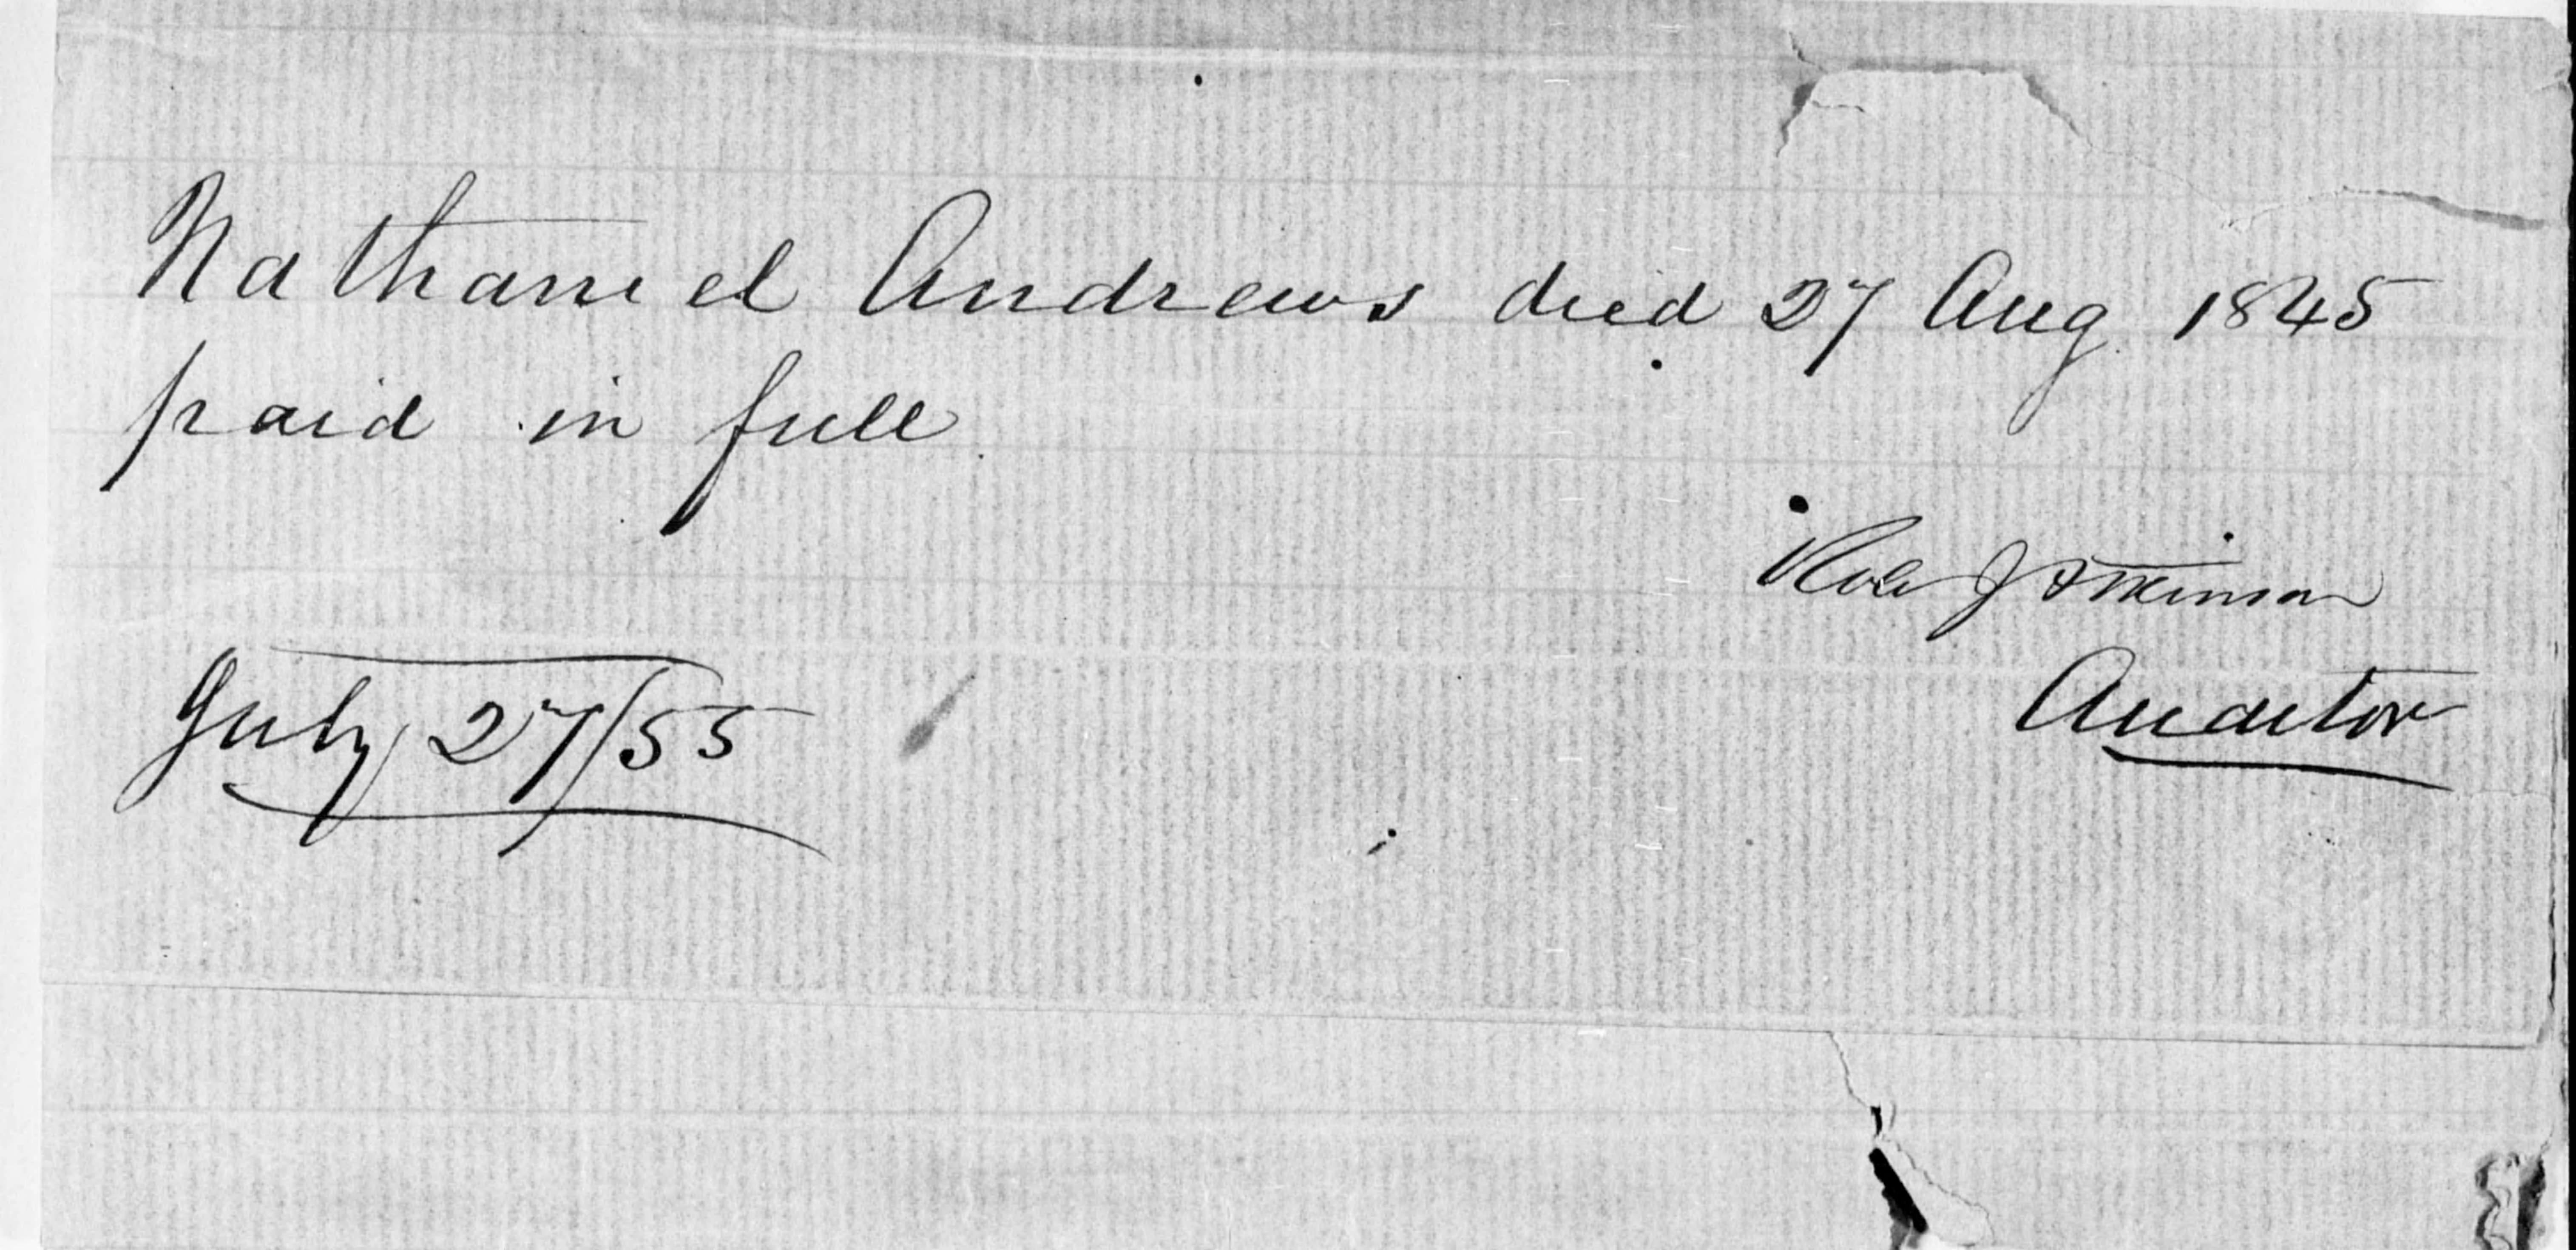Nathaniel Andrew died 27 Aug 1845
paid in full
Roa JoMinson
Auditor
July 27/55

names: Nathaniel Andrews, J Minson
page: 23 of 78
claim: widow's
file: W. 4117, Nathaniel Bradley, Conn.